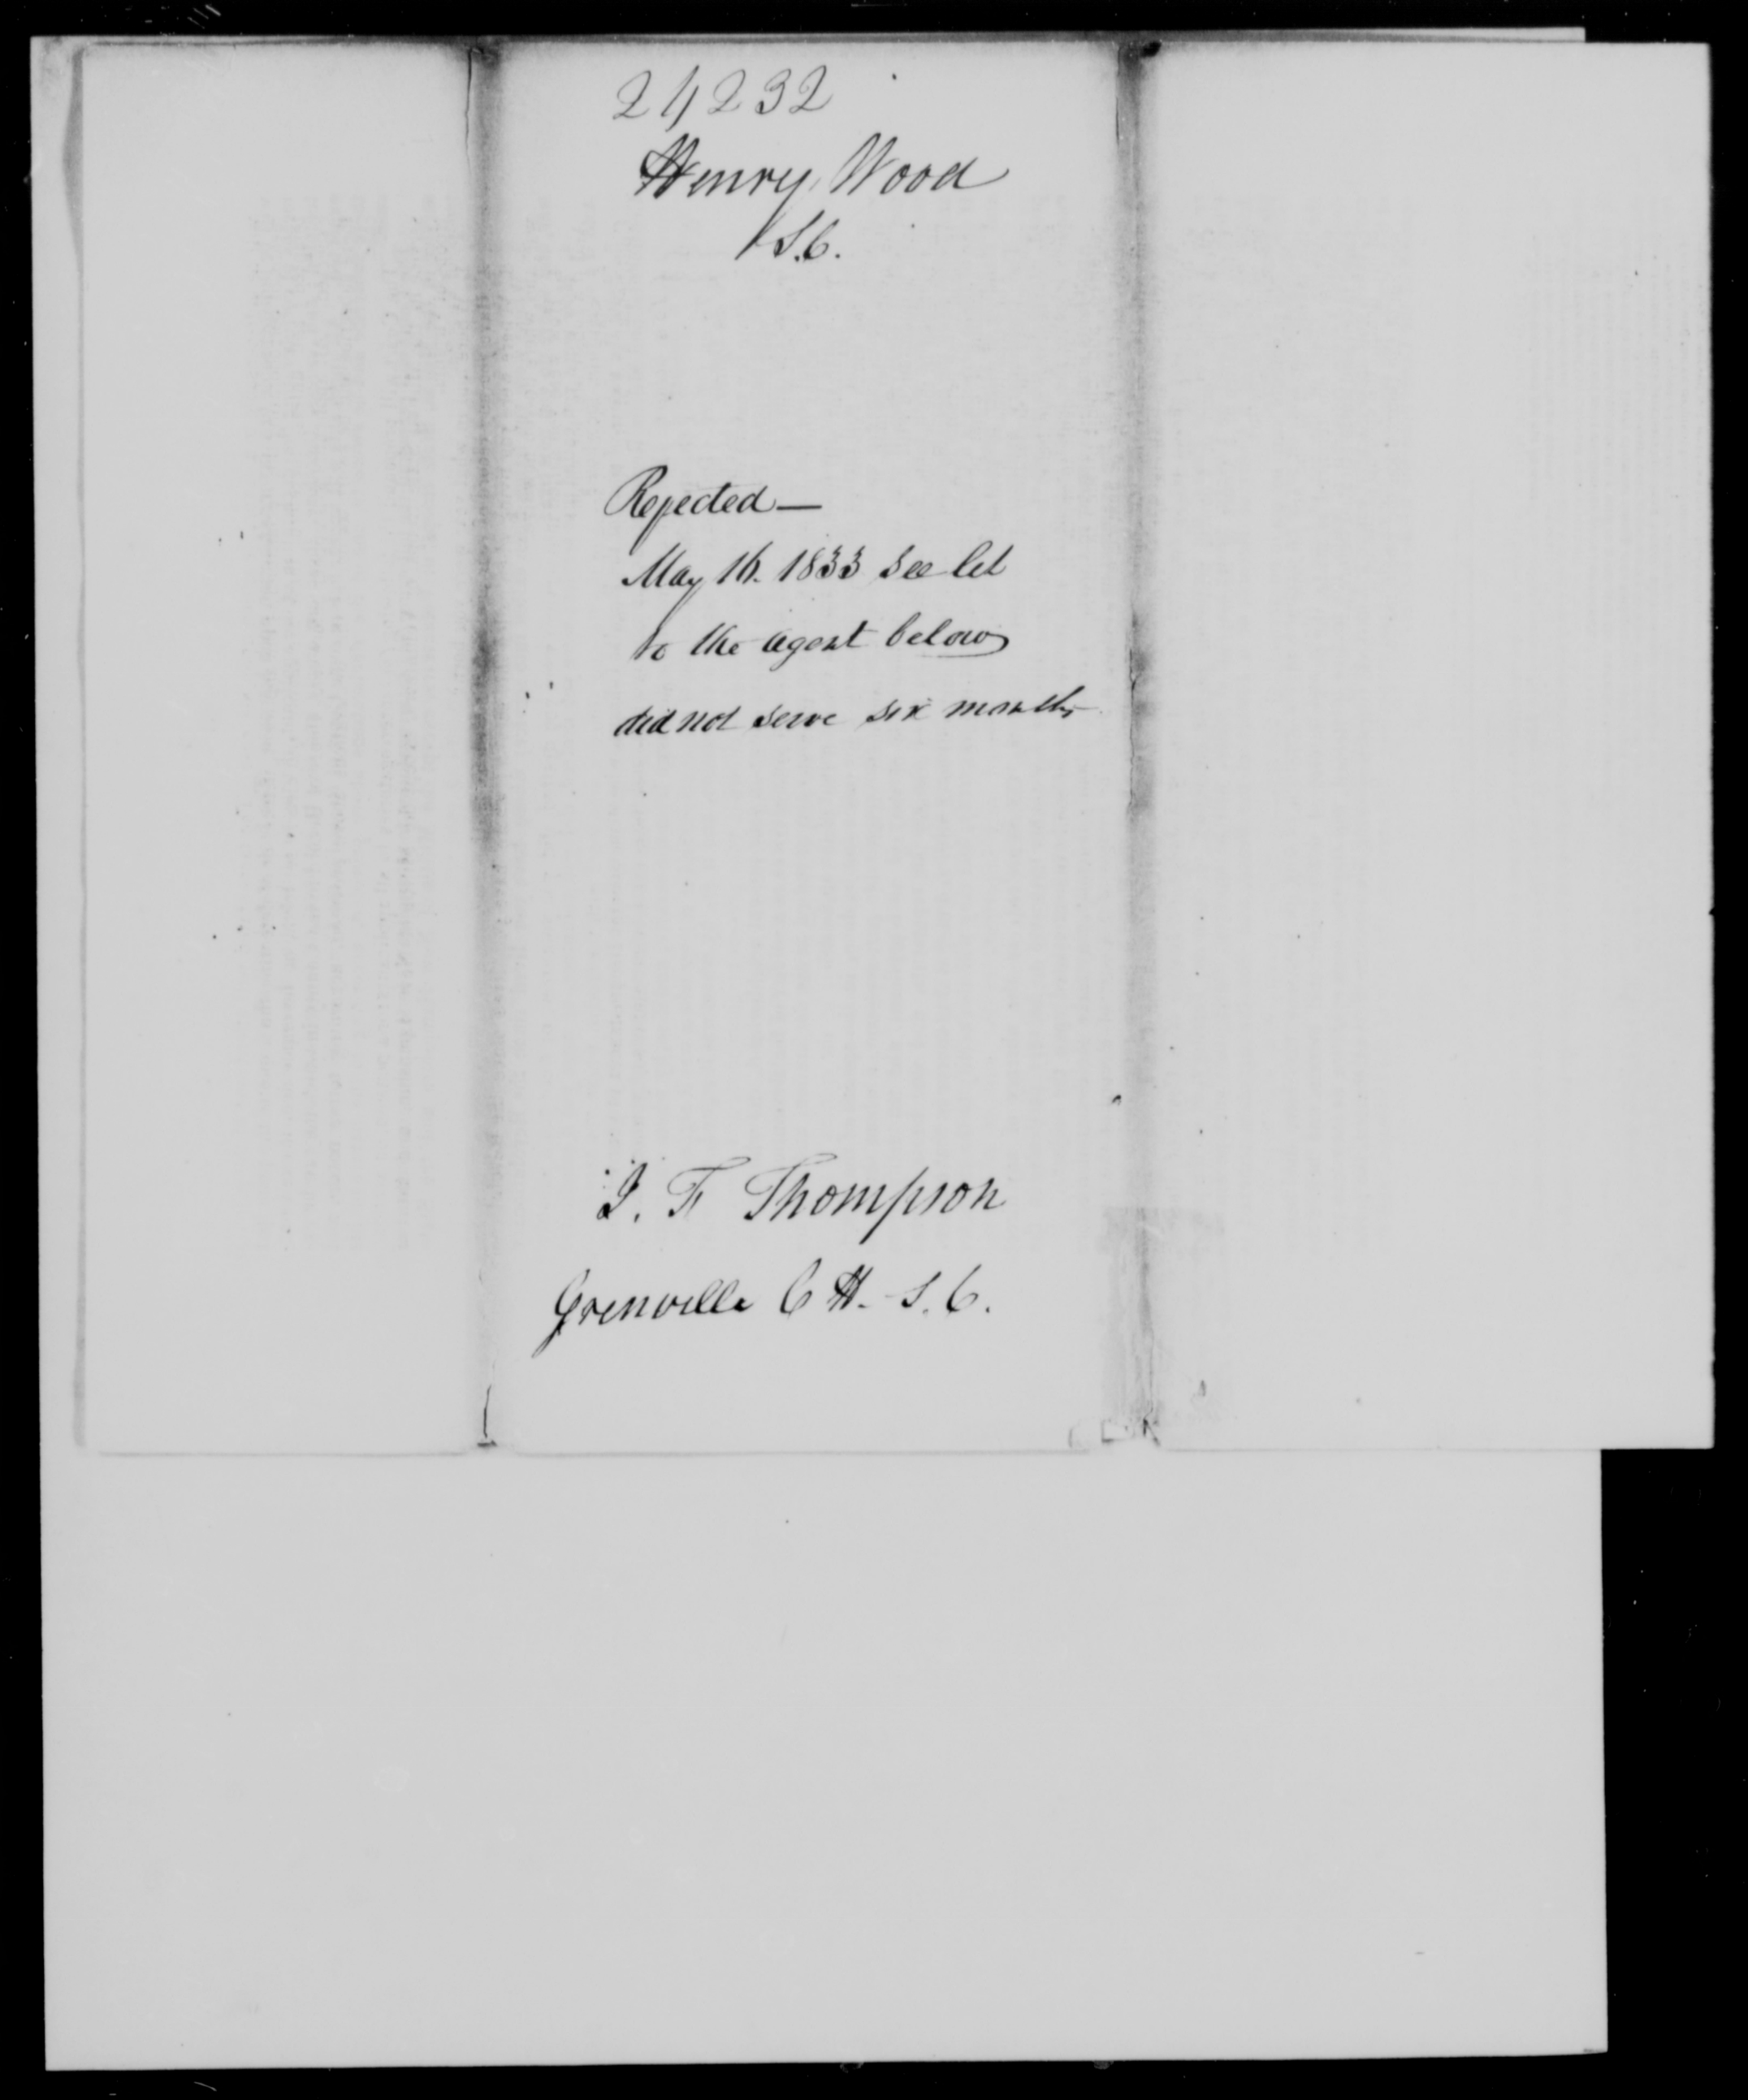24232
Henry Wood
S.C.
Rejected __
May 16, 1833 Sealed
to the agent below
did not serve six months
J.F. Thompson
Greenville C H. S.C.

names: J F Thompson, Henry Wood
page: 10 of 40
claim: rejected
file: R. 11785, Henry Wood, N. C.